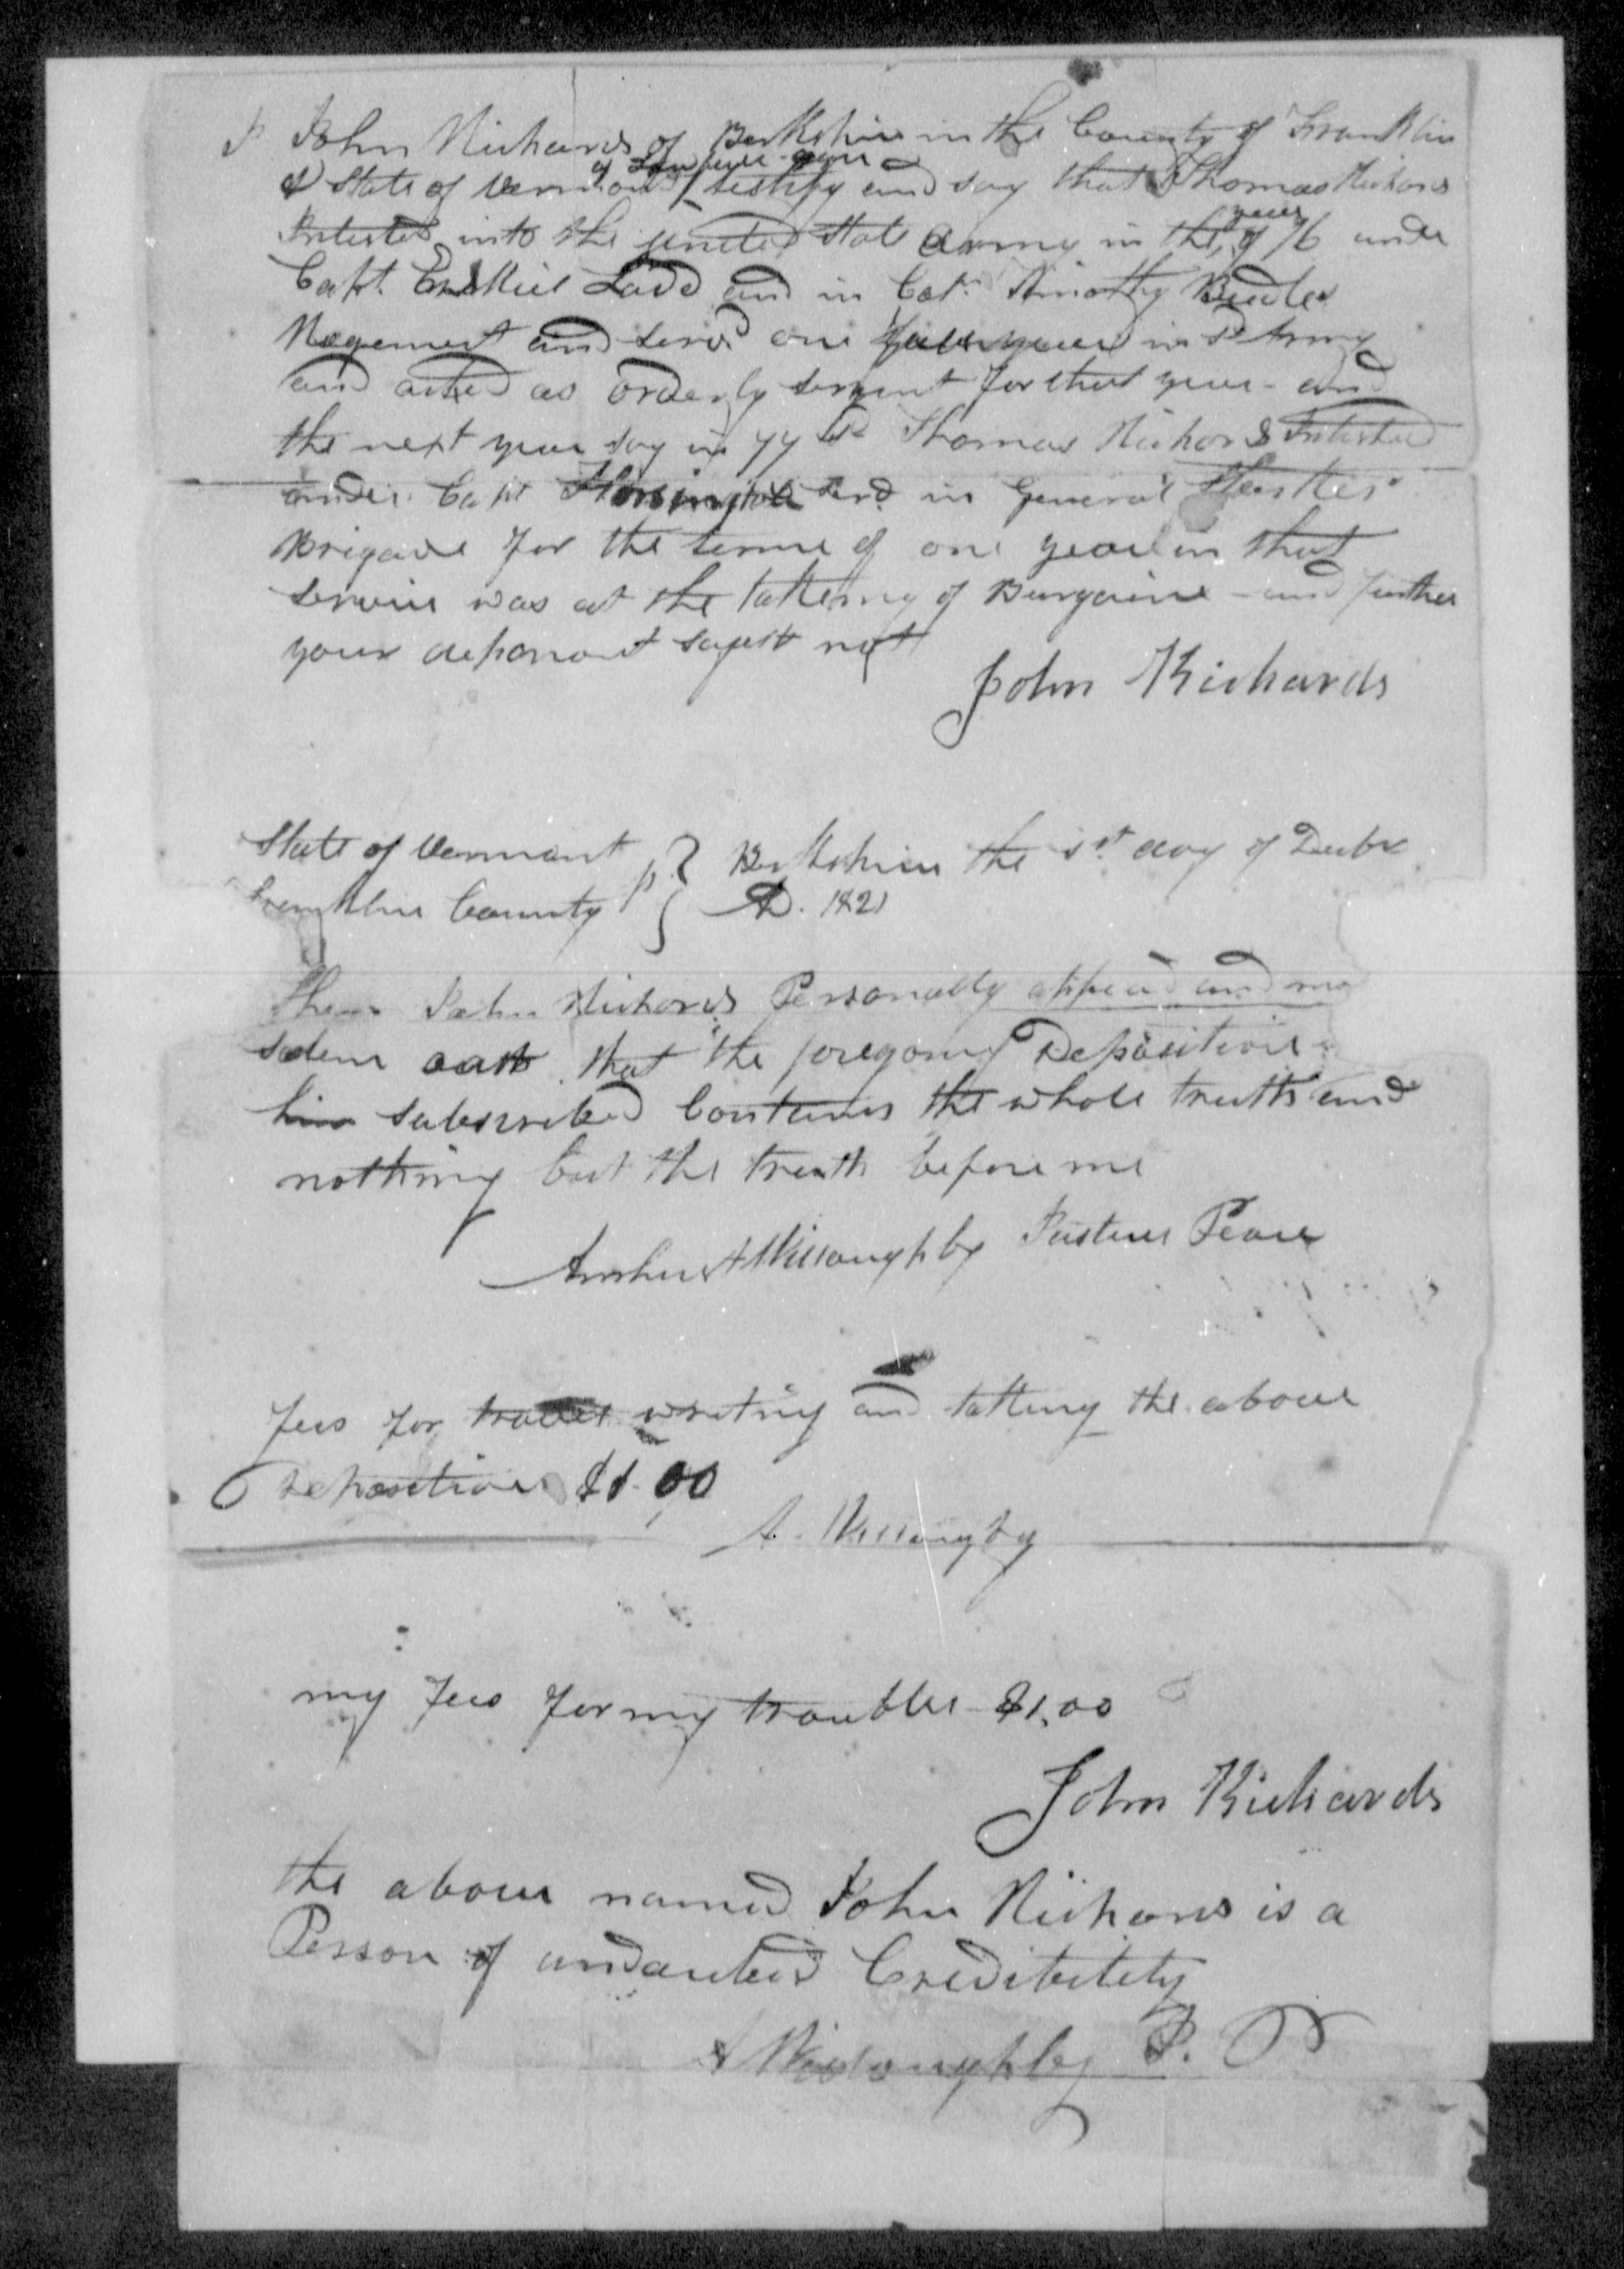I John Richards of Berkshire in the County of Franklin and State of Vermont of lawful age Certify and say that Thomas Richards
enlisted into the United State army in the year [17]76 under Capt [CAPTAIN] Ezekiel Ladd and in Col [COLONEL] Timothy Beadles [sic] 
Regiment and served one year in sd [SAID] Army and served as orderly sergeant for that year - and the next year say in [17]77 sd Thomas Richards enlisted under Captain Hoisington and in General Starks [sic] 
Brigade for the term of one year in that
service was at the taking of Burgoyne -- and further your deponent sayeth not
John Richards

State of Vermont Franklin County Ss} Berkshire the 1st day of Decbr [DECEMBER] AD. 1821 

Then John Richards personally appeared and made solemn oath that the foregoing Deposition [by] him subscribed contains the whole truth and nothing but the truth before me
Amherst Willoughby Justice Peace

fees for travel writing and taking the above
Deposition $1.00
A Willoughby
my fees for my trouble $1.00
John Richards
the above named John Richards is a Person
of undoubted Credibility
A Willoughby J.P. [JUSTICE PEACE]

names: Thomas Richards; Amherst Willoughby; Timothy Beedle; [BLANK] Horsington; A Willoughby; John Richards; John Richards; Ezekiel Ladd; Thomas Richards; John Richards; A Willoughby; John Richards; John Richards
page: 41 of 109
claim: widow's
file: W. 5709, for Thomas Richards, New Hampshire